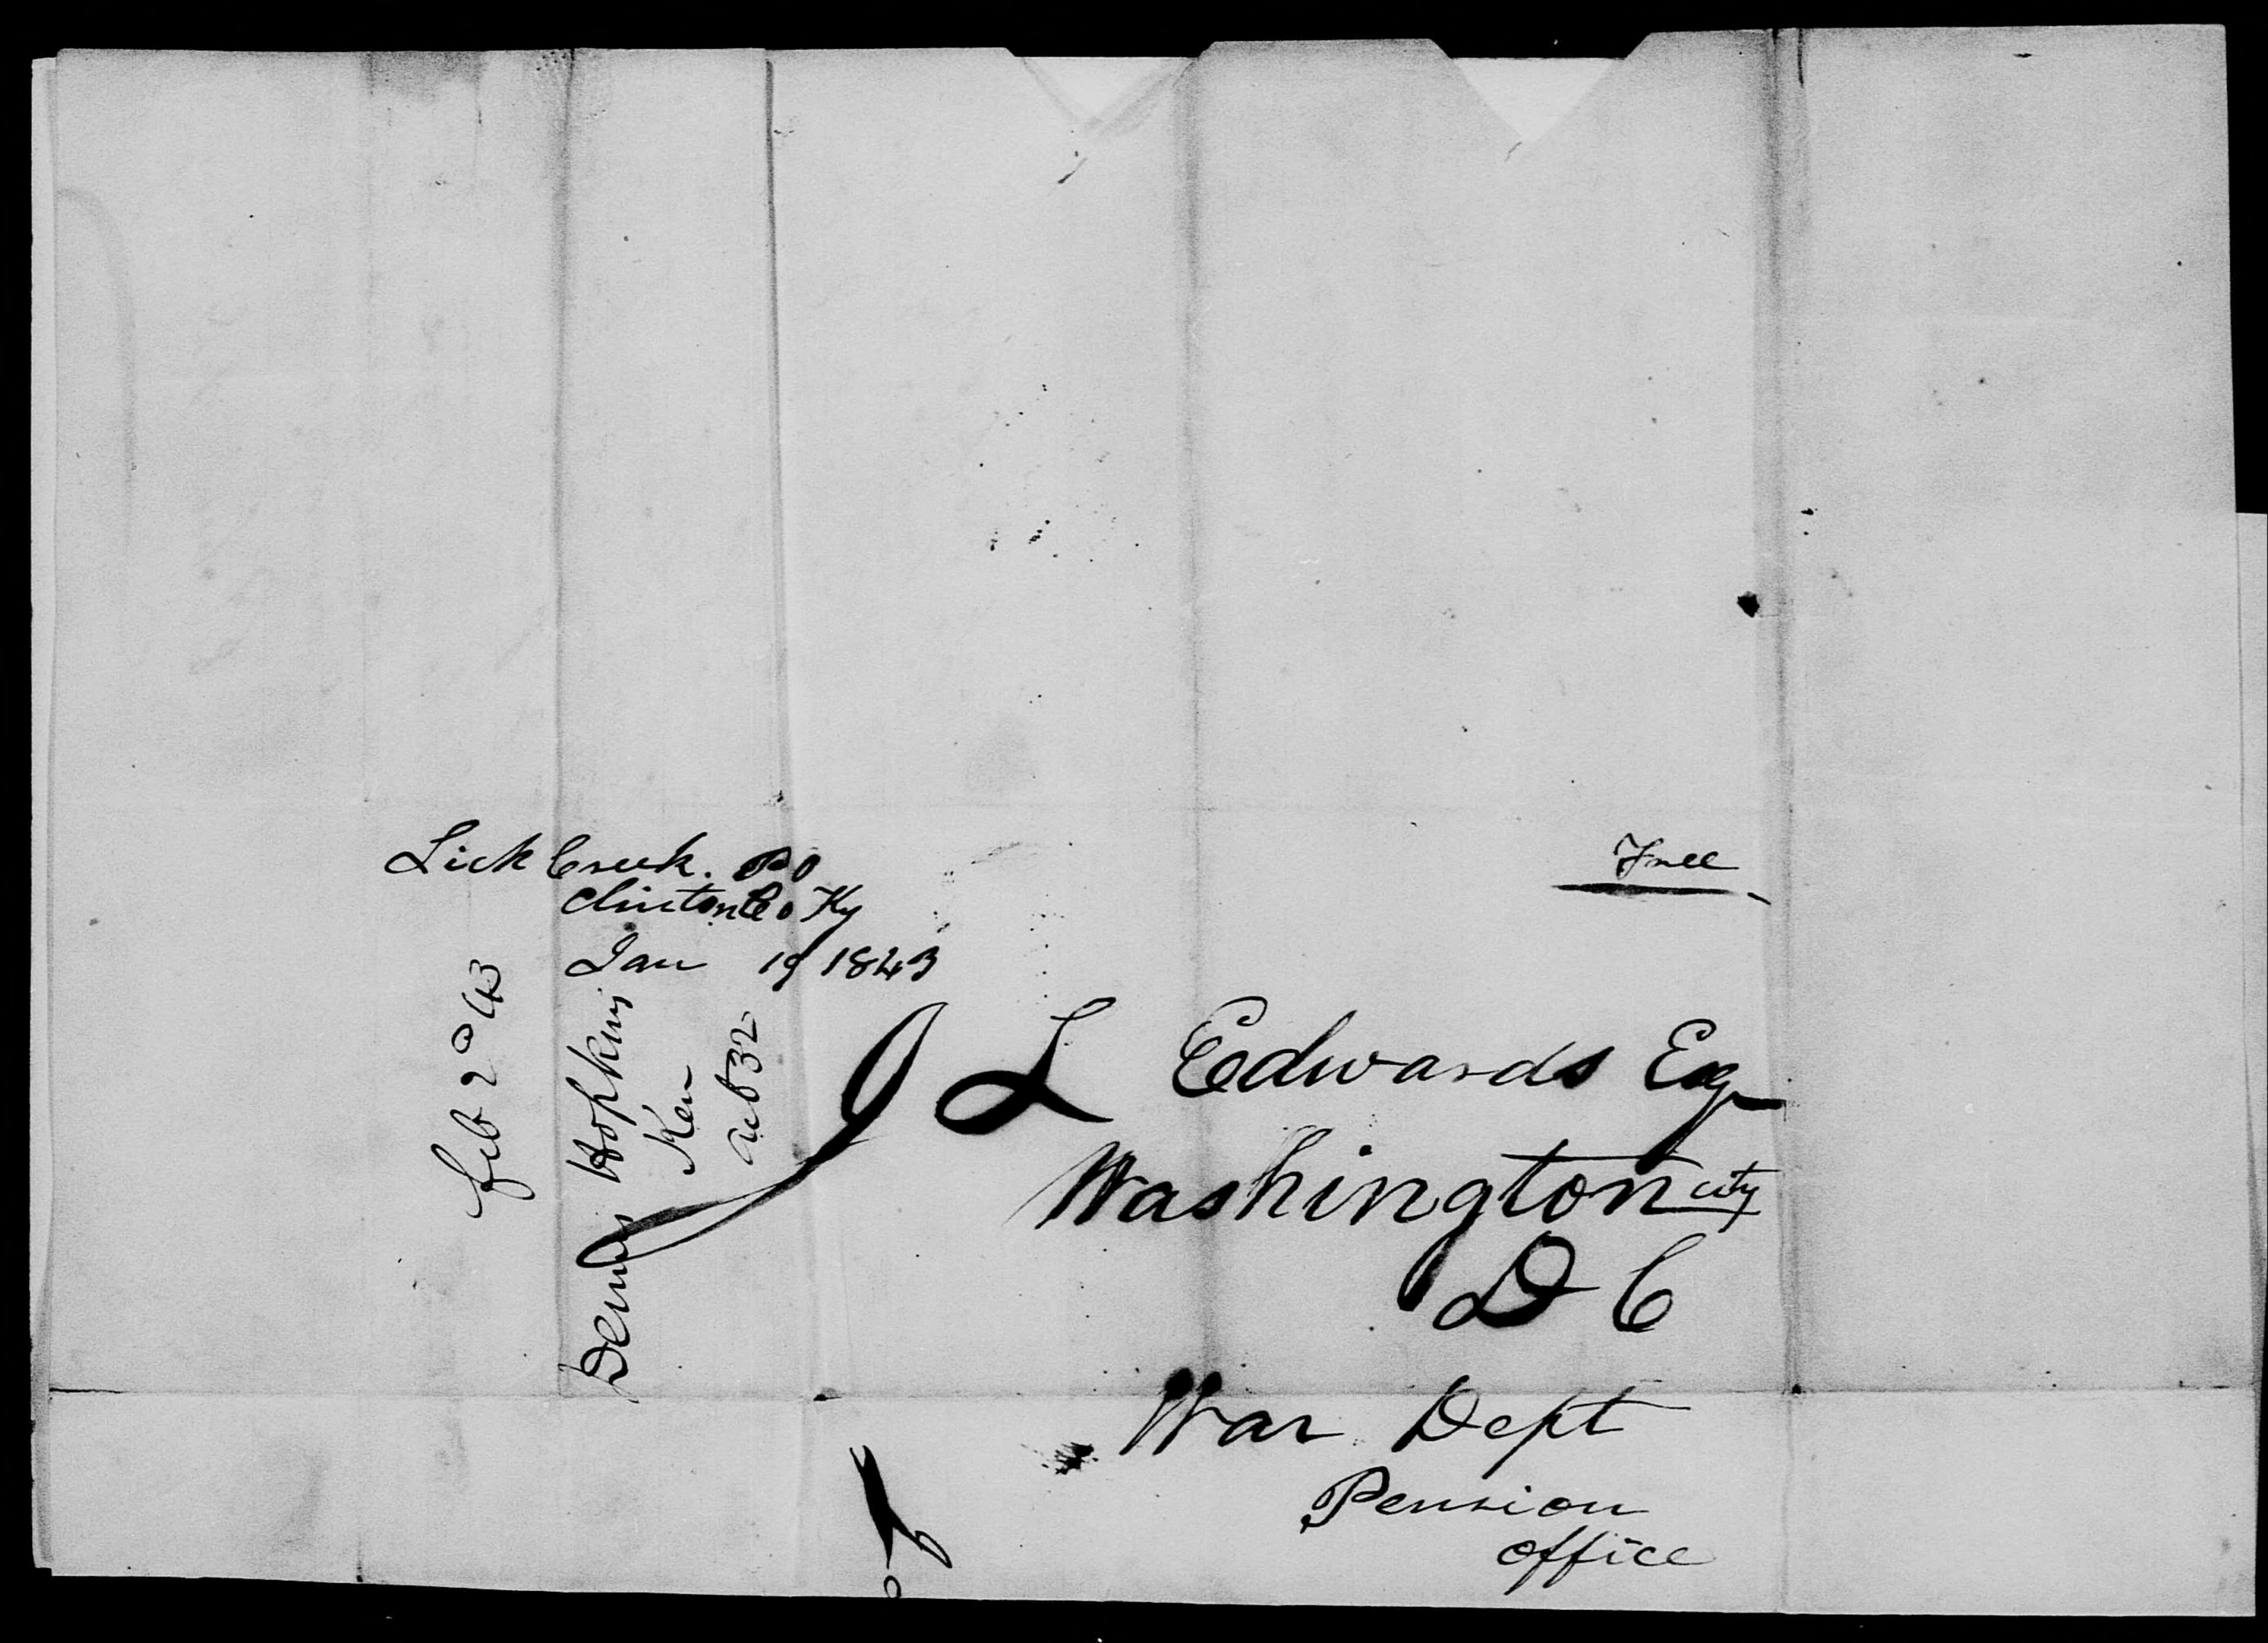Lick Creek PO
Clinton Co Ky
Jan 19 1843


vertical:
feb 2bd 43
Dennis Hopkins
Ken
act 32.
horizontal

Free
J L Edwards Esqr
Washington
DC
War Dept
Pension
office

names: Dennis Hopkings, J L Edwards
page: 17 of 144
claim: rejected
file: R. 5208, Dennis Hopkins, N.C.